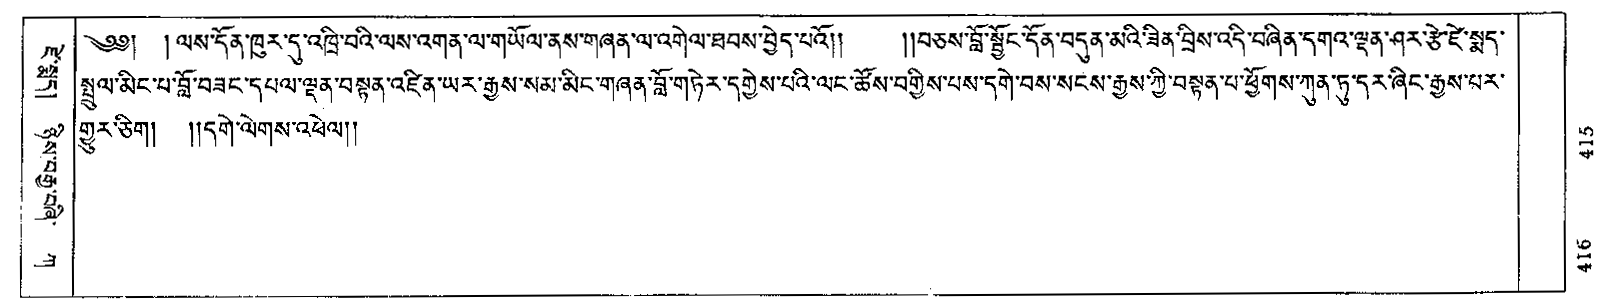༄༅། །ལས་དོན་ཁུར་དུ་འཁྲི་བའི་ལས་འགན་ལ་གཡོལ་ནས་གཞན་ལ་འགེལ་ཐབས་བྱེད་པའོ།། །།བཅས་བློ་སྦྱོང་དོན་བདུན་མའི་ཟིན་བྲིས་འདི་བཞིན་དགའ་ལྡན་ཤར་རྩེ་ཛེ་སྨད་
སྤྲུལ་མིང་པ་བློ་བཟང་དཔལ་ལྡན་བསྟན་འཛིན་ཡར་རྒྱས་སམ་མིང་གཞན་བློ་གཏེར་དགྱེས་པའི་ལང་ཚོས་བགྱིས་པས་དགེ་བས་སངས་རྒྱས་ཀྱི་བསྟན་པ་ཕྱོགས་ཀུན་ཏུ་དར་ཞིང་རྒྱས་པར་
གྱུར་ཅིག། །།དགེ་ལེགས་འཕེལ།།